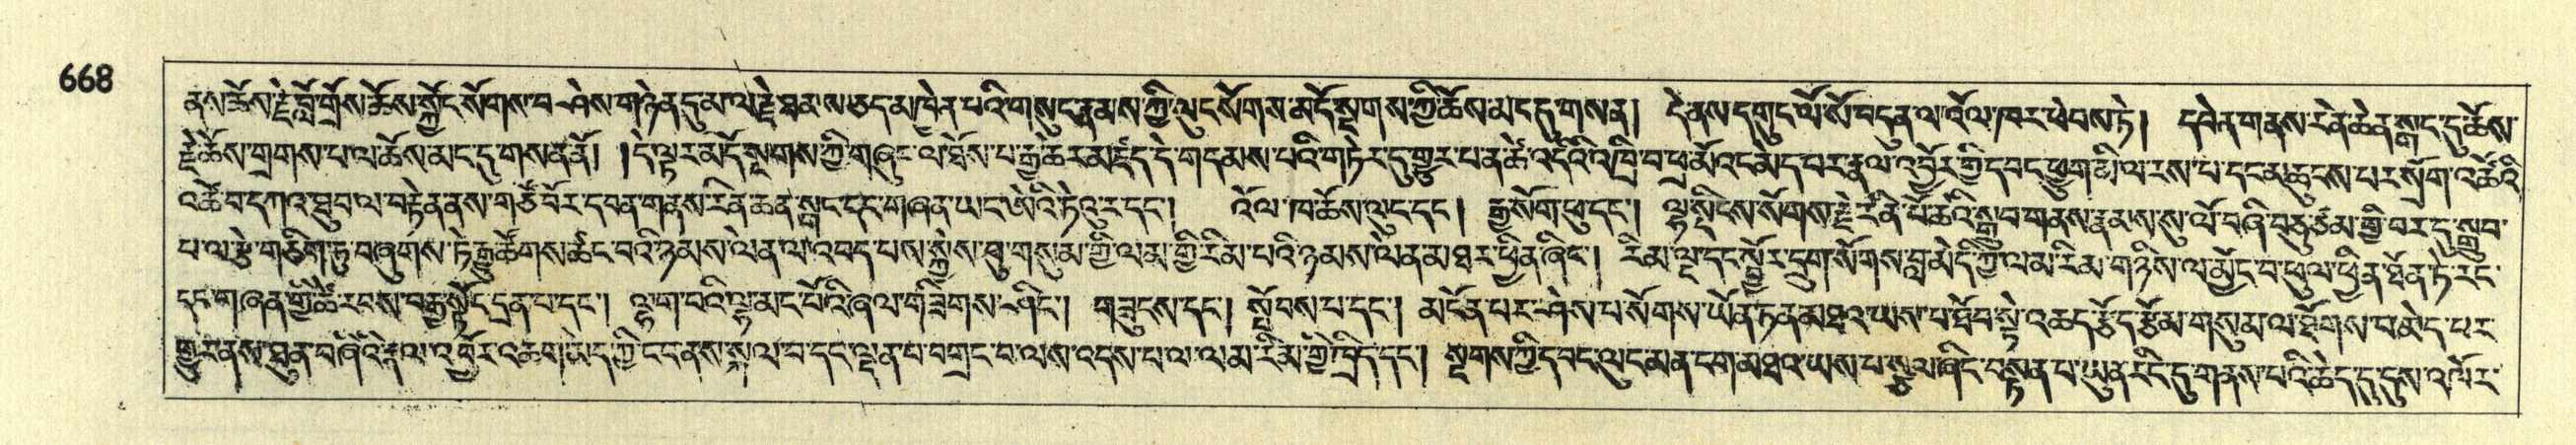ནས་ཆོས་རྗེ་བློ་གྲོས་ཆོས་སྐྱོང་སོགས་བཤེས་གཉེན་དུ་མ་ལ་རྗེ་ཐམས་ཅད་མཁྱེན་པའི་གསུང་རྣམས་ཀྱི་ལུང་སོགས་མདོ་སྔགས་ཀྱི་ཆོས་མང་དུ་གསན། དེ་ནས་དགུང་ལོ་སོ་བདུན་ལ་འོལ་ཁར་ཕེབས་ཏེ། དབེན་གནས་རིན་ཆེན་སྒང་དུ་ཆོས་
རྗེ་ཆོས་གྲགས་པ་ལ་ཆོས་མང་དུ་གསན་ནོ། །དེ་ལྟར་མདོ་སྔགས་ཀྱི་གཞུང་ལ་ཐོས་པ་རྒྱ་ཆེར་མཛད་དེ་གདམས་པའི་གཏེར་དུ་གྱུར་པ་ན་ཚེ་འདིའི་འཁྲི་བ་ཕྲ་མོའང་མེད་བར་རྣལ་འབྱོར་གྱི་དབང་ཕྱུག་མི་ལ་རས་པ་དང་མཆུངས་པར་སྲོག་འཚོའི་
འཚེ་བ་དཀའ་ཐུབ་ལ་བརྟེན་ནས་གཙོ་བོར་དབན་གནས་རིན་ཆན་སྤང་དང་གཞན་ཡང་ཨེའི་ཏེའུ་ར་དང་། འོལ་ཁ་ཆོས་ལུང་དང་། རྒྱ་སོག་ཕུ་དང་། ལྷ་སྡིངས་སོགས་རྗེ་རིན་པོ་ཆེའི་སྒྲུབ་གནས་རྣམས་སུ་ལོ་བཞི་བཅུ་ཙམ་གྱི་བར་དུ་སྒྲུབ་
པ་ལ་རྩེ་གཅིག་ཏུ་བཞུགས་ཏེ་རྒྱུ་ཚོགས་ཚང་བའི་ཉམས་ལེན་ལ་འབད་པས་སྐྱེས་བུ་གསུམ་གྱི་ལམ་གྱི་རིམ་པའི་ཉམས་ལེན་མཐར་ཕྱིན་ཞིང་། རིམ་ལྔ་དང་སྦྱོར་དྲུག་སོགས་བླ་མེད་ཀྱི་ལམ་རིམ་གཉིས་ལ་མྱོང་བ་ཕུལ་ཕྱིན་ཐོན་ཏེ་རང་
དང་གཞན་གྱི་ཚེ་རབས་བརྒྱ་སྟོང་དྲན་པ་དང་། ལྷག་བའི་ལྷ་མང་པོའི་ཞལ་གཟིགས་ཤིང་། གཟུངས་དང་། སྤོབས་པ་དང་། མངོན་པར་ཤེས་པ་སོགས་ཡོན་ཏན་མཐའ་ཡས་པ་ཐོབ་སྟེ་འཆད་རྩོད་རྩོམ་གསུམ་ལ་ཐོགས་པ་མེད་པར་
གྱུར་ནས་ཐུན་བཞིའི་རྣལ་འབྱོར་འཆག་མེད་ཀྱི་ངང་ནས་སྐལ་བ་དང་ལྡན་བ་བགྲང་བ་ལས་འདས་པ་ལ་ལམ་རིམ་གྱི་ཁྲིད་དང་། སྔགས་ཀྱི་དབང་ལུང་མན་ངག་མཐའ་ཡས་པ་སྩལ་ཞིང་བསྟན་པ་ཡུན་རིང་དུ་གནས་པའི་ཆེད་དུ་དུས་འཁོར་